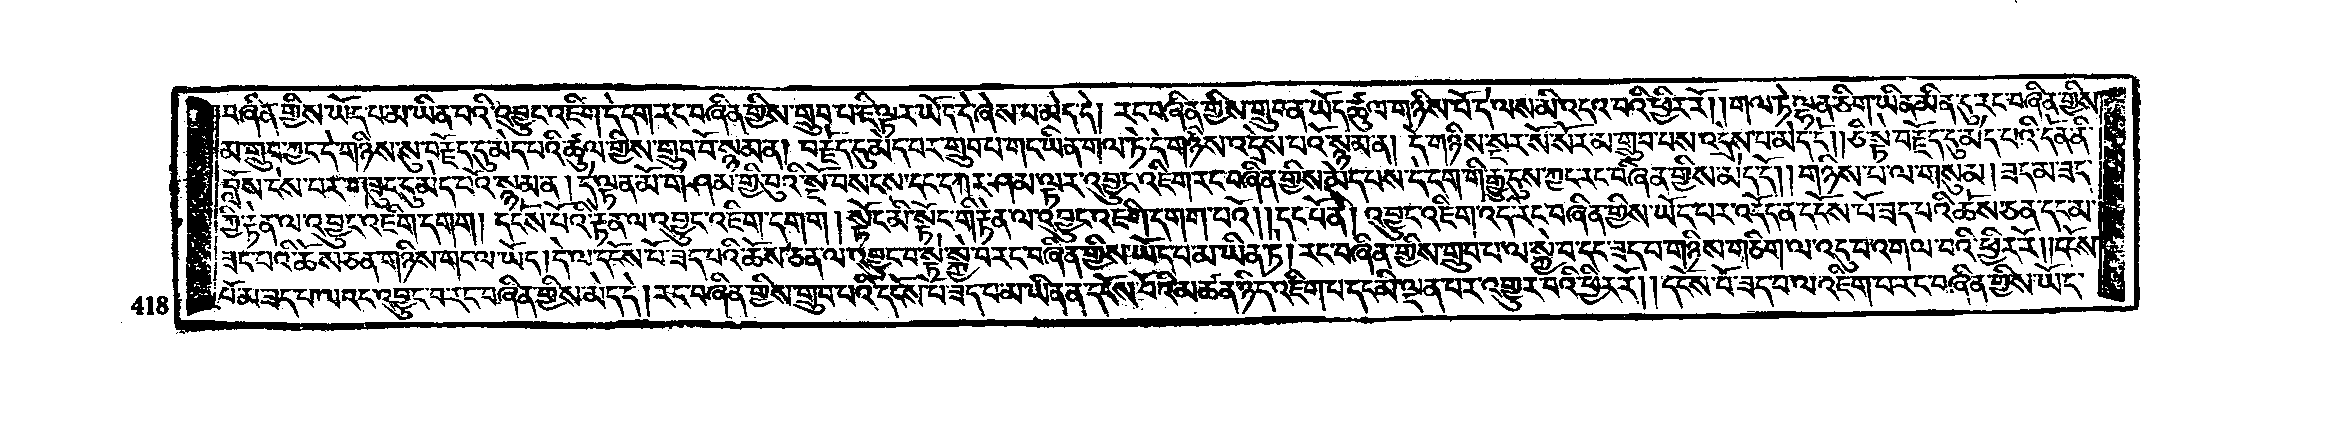བཞིན་གྱིས་ཡོད་པ་མ་ཡིན་པའི་འབྱུང་འཇིག་དེ་དག་རང་བཞིན་གྱིས་གྲུབ་པ་ཇི་ལྟར་ཡོད་དེ་ཞེས་པ་མེད་དེ། རང་བཞིན་གྱིས་གྲུབ་ན་ཡོད་ཚུལ་གཉིས་པོ་དེ་ལས་མི་འདའ་བའི་ཕྱིར་རོ། །གལ་ཏེ་ལྷན་ཅིག་ཡིན་མིན་དུ་རང་བཞིན་གྱིས་
མ་གྲུབ་ཀྱང་དེ་གཉིས་སུ་བརྗོད་དུ་མེད་པའི་ཚུལ་གྱིས་གྲུབ་བོ་སྙམ་ན། བརྗོད་དུ་མེད་པར་གྲུབ་པ་གང་ཡིན་གལ་ཏེ་དེ་གཉིས་འདྲེས་པའོ་སྙམ་ན། དེ་གཉིས་སྔར་སོ་སོར་མ་གྲུབ་པས་འདྲེས་པ་མེད་དོ། །ཅི་སྟེ་བརྗོད་དུ་མེད་པའི་དོན་ནི་
བློས་ངེས་པར་གཟུང་དུ་མེད་པའོ་སྙམ་ན། དེ་ལྟ་ན་མོ་གཤམ་གྱི་བུའི་སྔོ་བསངས་དང་དཀར་ཤམ་ལྟར་འབྱུང་འཇིག་རང་བཞིན་གྱིས་མེད་པས་དེ་དག་གི་རྒྱུ་དུས་ཀྱང་རང་བཞིན་གྱིས་མེད་དོ། །གཉིས་པ་ལ་གསུམ། ཟད་མ་ཟད་
ཀྱི་རྟེན་ལ་འབྱུང་འཇིག་དགག། དངོས་པོའི་རྟེན་ལ་འབྱུང་འཇིག་དགག། སྟོང་མི་སྟོང་གི་རྟེན་ལ་འབྱུང་འཇིག་དགག་པའོ། །དང་པོ་ནི། འབྱུང་འཇིག་འདི་རང་བཞིན་གྱིས་ཡོད་པར་འདོད་ན་དངོས་པོ་ཟད་པའི་ཆོས་ཅན་དང་མ་
ཟད་པའི་ཆོས་ཅན་གཉིས་གང་ལ་ཡོད། དེ་ལ་དངོས་པོ་ཟད་པའི་ཆོས་ཅན་ལ་འབྱུང་བ་སྟེ་སྐྱེ་བ་རང་བཞིན་གྱིས་ཡོད་པ་མ་ཡིན་ཏེ། རང་བཞིན་གྱིས་གྲུབ་པ་ལ་སྐྱེ་བ་དང་ཟད་པ་གཉིས་གཅིག་ལ་འདུ་བ་འགལ་བའི་ཕྱིར་རོ། །དངོས་
པོ་མ་ཟད་པ་ལའང་འབྱུང་བ་རང་བཞིན་གྱིས་མེད་དེ། རང་བཞིན་གྱིས་གྲུབ་པའི་དངོས་པོ་ཟད་པ་མ་ཡིན་ན་དངོས་པོའི་མཚན་ཉིད་འཇིག་པ་དང་མི་ལྡན་པར་འགྱུར་བའི་ཕྱིར་རོ། །དངོས་པོ་ཟད་པ་ལ་འཇིག་པ་རང་བཞིན་གྱིས་ཡོད་